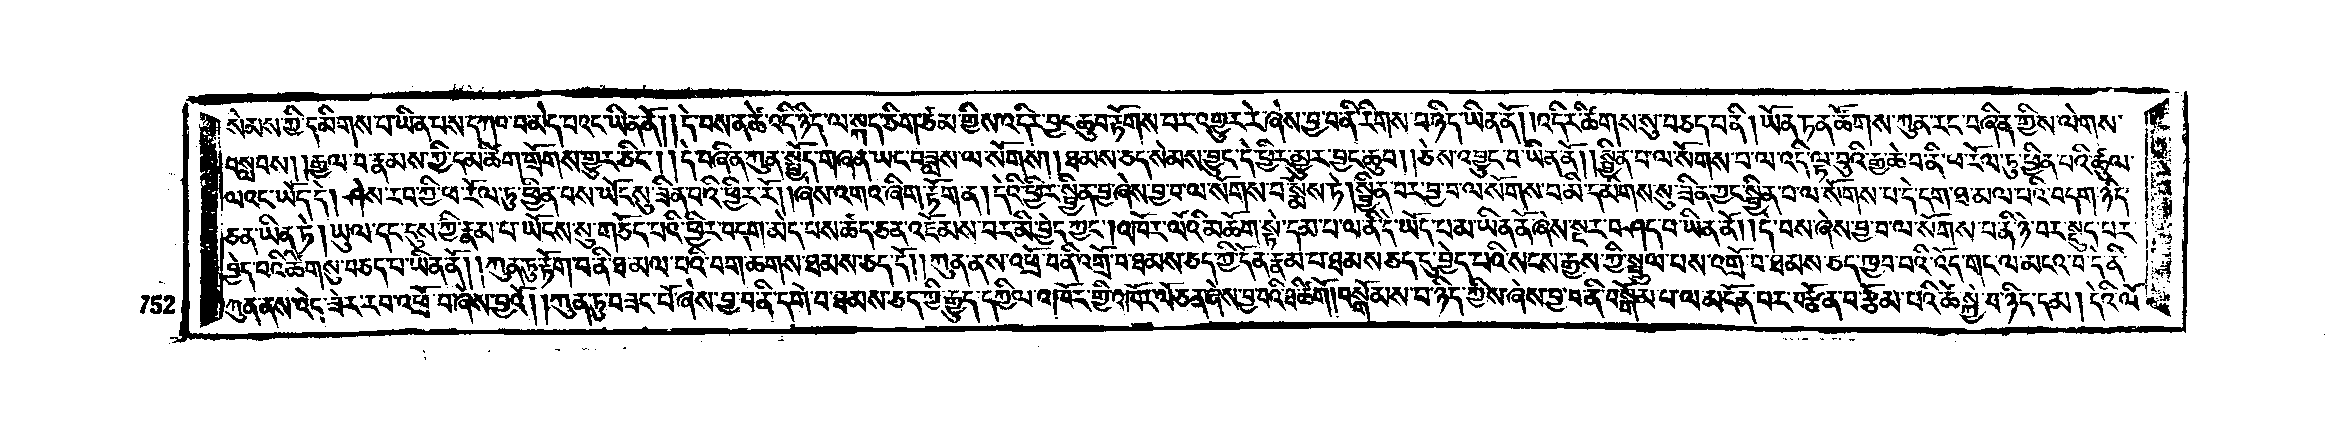སེམས་ཀྱི་དམིགས་པ་ཡིན་པས་དཀའ་བ་མེད་པའང་ཡིན་ནོ། །དེ་བས་ན་ཚེ་འདི་ཉིད་ལ་སྐད་ཅིག་ཙམ་གྱིས་འདིར་བྱང་ཆུབ་རྟོགས་པར་འགྱུར་རེ་ཞེས་བྱ་བ་ནི་རིགས་པ་ཉིད་ཡིན་ནོ། །འདིར་ཚིགས་སུ་བཅད་པ་ནི། ཡོན་ཏན་ཚོགས་ཀུན་རང་བཞིན་གྱིས་ལེགས་
བསླབས། །རྒྱལ་བ་རྣམས་ཀྱི་དམ་ཚིག་གྲོགས་གྱུར་ཅིང་། །དེ་བཞིན་ཀུན་སྤྱོད་གཞན་ཡང་བཟླས་ལ་སོགས། །ཐམས་ཅད་སེམས་བྱུང་དེ་ཕྱིར་མྱུར་བྱང་ཆུབ། །ཅེས་འབྱུང་བ་ཡིན་ནོ། །སྦྱིན་པ་ལ་སོགས་པ་ལ་འདི་ལྟ་བུའི་རྒྱ་ཆེ་བ་ནི་ཕ་རོལ་ཏུ་ཕྱིན་པའི་ཚུལ་
ལའང་ཡོད་དེ། ཤེས་རབ་ཀྱི་ཕ་རོལ་ཏུ་ཕྱིན་པས་ཡོངས་སུ་ཟིན་པའི་ཕྱིར་རོ། །ཞེས་འགའ་ཞིག་རྟོག་ན། དེའི་ཕྱིར་སྦྱིན་བྱ་ཞེས་བྱ་བ་ལ་སོགས་པ་སྨོས་ཏེ། སྦྱིན་པར་བྱ་བ་ལ་སོགས་པ་མི་དམིགས་སུ་ཟིན་ཀྱང་སྦྱིན་པ་ལ་སོགས་པ་དེ་དག་ཐ་མལ་པའི་བདག་ཉིད་
ཅན་ཡིན་ཏེ། ཡུལ་དང་དུས་གྱི་རྣམ་པ་ཡོངས་སུ་གཅོད་པའི་ཕྱིར་བདག་མེད་པས་ཚད་ཅན་འཇོམས་པར་མི་བྱེད་ཀྱང་། འཁོར་ལོའི་མཆོག་སྟེ་དམ་པ་ལ་ནི་དེ་ཡོད་པ་མ་ཡིན་ནོ་ཞེས་སྔར་བཤད་པ་ཡིན་ནོ། །དེ་བས་ཞེས་བྱ་བ་ལ་སོགས་པ་ནི་ཉེ་བར་སྡུད་པར་
བྱེད་པའི་ཚིགས་སུ་བཅད་པ་ཡིན་ནོ། །ཀུན་ཏུ་རྟོག་པ་ནི་ཐ་མལ་པའི་བག་ཆགས་ཐམས་ཅད་དོ། །ཀུན་ནས་འཕྲོ་བ་ནི་འགྲོ་བ་ཐམས་ཅད་ཀྱི་དོན་རྣམ་པ་ཐམས་ཅད་དུ་བྱེད་པའི་སངས་རྒྱས་ཀྱི་སྤྲུལ་པས་འགྲོ་བ་ཐམས་ཅད་ཁྱབ་པའི་འོད་གང་ལ་མངའ་བ་དེ་ནི་
ཀུན་ནས་འོད་ཟེར་རབ་འཕྲོ་བ་ཞེས་བྱའོ། །ཀུན་ཏུ་བཟང་པོ་ཞེས་བྱ་བ་ནི་དགེ་བ་ཐམས་ཅད་ཀྱི་རྒྱུད་དཀྱིལ་འཁོར་གྱི་འཁོར་ལོ་ཅན་ཞེས་བྱ་བའི་ཐ་ཚིག་གོ །བསྒོམས་པ་ཉིད་ཀྱིས་ཞེས་བྱ་བ་ནི་བསྒོམ་པ་ལ་མངོན་པར་བརྩོན་པ་རྩོམ་པའི་ཚེ་སྐྱེ་བ་ཉིད་དམ། དེའི་ལོ་